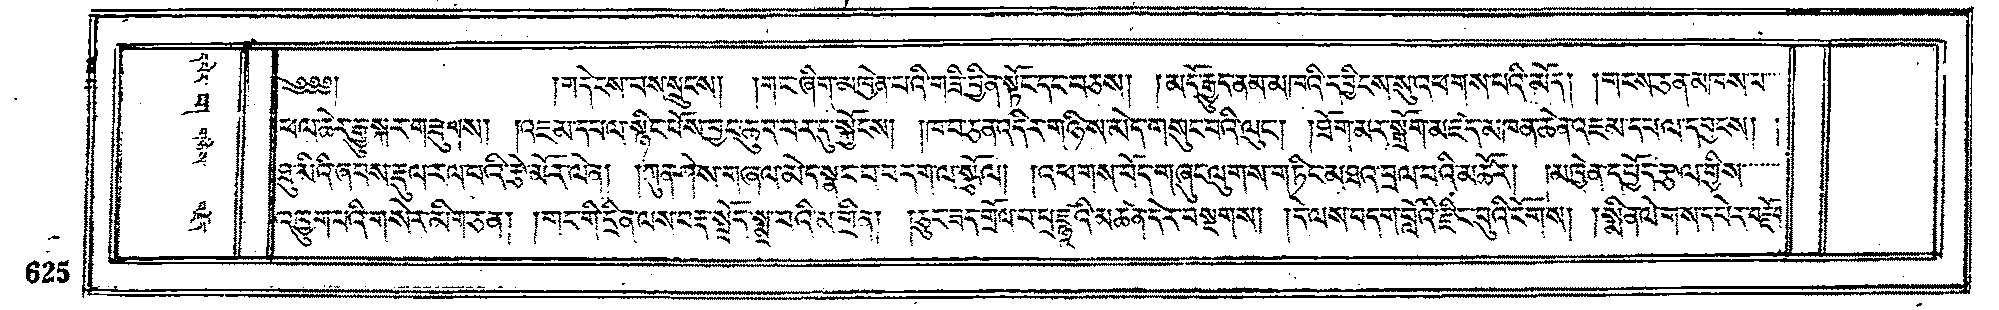༄༅༅། །གདེངས་པས་སྲུངས། །གང་ཞིག་མཁྱེན་པའི་གཟི་བྱིན་སྟོང་དང་བཅས། །མདོ་རྒྱུད་ནམ་མཁའི་དབྱིངས་སུ་འཕགས་པའི་མོད། །གངས་ཅན་མཁས་པ་་་
ཕལ་ཆེར་རྒྱུ་སྐར་གཟུགས། །འཇམ་དཔལ་སྙིང་པོས་བྱང་ཆུབ་བར་དུ་སྐྱོངས། །ཁ་བ་ཅན་འདིར་གཉིས་མེད་གསུང་བའི་ལུང་། །ཐོག་མར་སྒྲོག་མཛད་མཁན་ཆེན་འཇམ་དཔལ་དབྱངས། །
ཐུ་མིའི་ཞབས་རྡུལ་རལ་པའི་རྩེ་མོར་ལེན། །ཀུན་ཤེས་གཞལ་མེད་སྣང་བ་བདག་ལ་སྩོལ། །འཕགས་བོད་གཞུང་ལུགས་གཏིང་མཐའ་བྲལ་བའི་མཚོར། །མཁྱེན་དཔྱོད་རྩལ་གྱིས་་་
འཁྱུག་པའི་གསེར་མིག་ཅན། །གང་གི་དྲིན་ལས་བརྡ་སྤྲོད་སྨྲ་བའི་མགྲིན། །ཅུང་ཟད་གྲོལ་བ་པྲཛྙཱའི་མཚན་དེར་བསྔགས། །དེ་ལས་བདག་བློའི་རྫིང་བུའི་ངོགས། །སྨིན་ལེགས་དཔེར་བརྗོད་